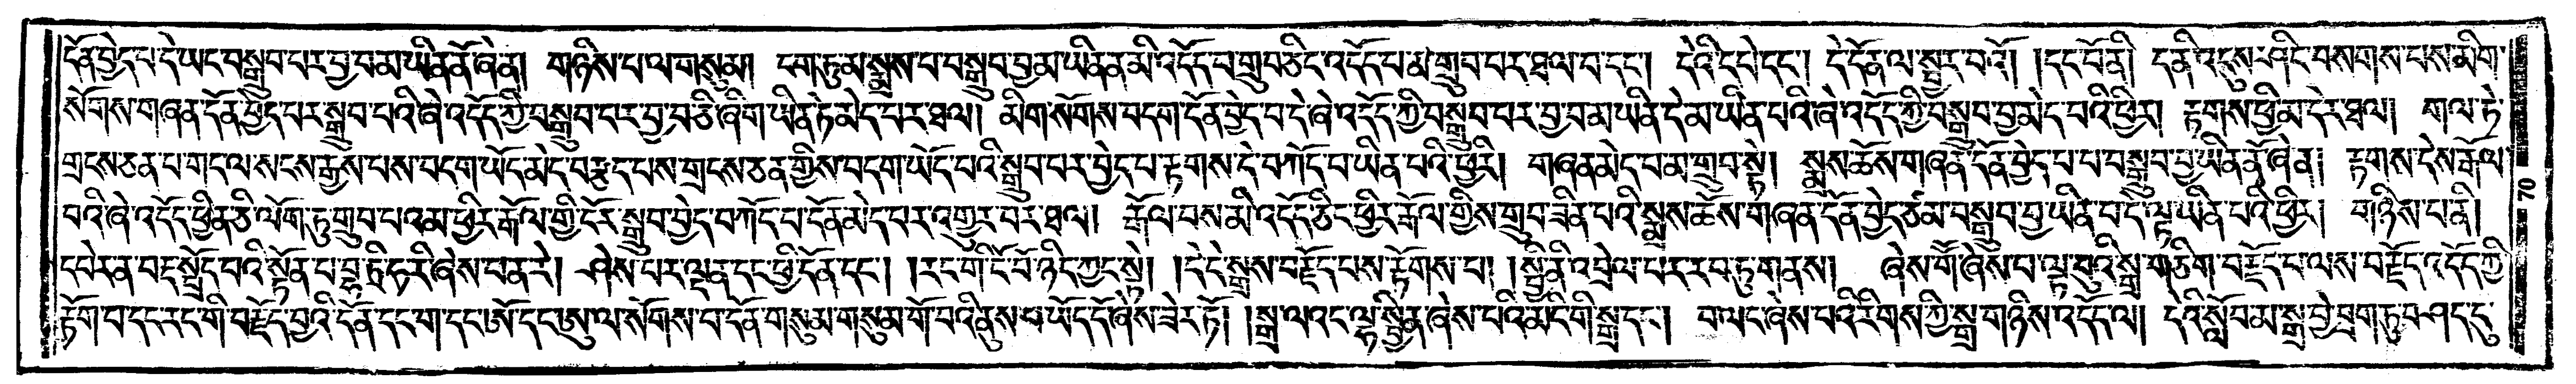དོན་བྱེད་པ་དེ་ཡང་བསྒྲུབ་པར་བྱ་བ་མ་ཡིན་ནོ་ཞེ་ན། གཉིས་པ་ལ་གསུམ། ངག་ཏུ་མ་སྨྲས་པ་བསྒྲུབ་བྱ་མ་ཡིན་ན་མི་འདོད་བ་གྲུབ་ཅིང་འདོད་པ་མ་གྲུབ་པར་ཐལ་བ་དང་། དེའི་དཔེ་དང་། དེ་དོན་ལ་སྦྱར་བའོ། །དང་པོ་ནི། ད་ནི་འདུས་ཤིང་བསགས་པས་མིག་
སོགས་གཞན་དོན་བྱེད་པར་སྒྲུབ་པའི་ཞེ་འདོད་ཀྱི་བསྒྲུབ་པར་བྱ་བ་ཅི་ཞིག་ཡིན་ཏེ་མེད་པར་ཐལ། མིག་སོགས་བདག་དོན་བྱེད་པ་དེ་ཞེ་འདོད་ཀྱི་བསྒྲུབ་པར་བྱ་བ་མ་ཡིན་དེ་མ་ཡིན་པའི་ཞེ་འདོད་ཀྱི་བསྒྲུབ་བྱ་མེད་པའི་ཕྱིར། རྟགས་ཕྱི་མ་དེར་ཐལ། གལ་ཏེ་
གྲངས་ཅན་པ་གང་ལ་སངས་རྒྱས་པས་བདག་ཡོད་མེད་བརྩད་པས་གྲངས་ཅན་གྱིས་བདག་ཡོད་པའི་སྒྲུབ་པར་བྱེད་པ་རྟགས་དེ་བཀོད་པ་ཡིན་པའི་ཕྱིར། གཞན་མེད་པ་མ་གྲུབ་སྟེ། སྨྲས་ཆོས་གཞན་དོན་བྱེད་པ་པ་བསྒྲུབ་བྱ་ཡིན་ནོ་ཞེ་ན། རྟགས་དེས་རྒོལ་
བའི་ཞེ་འདོད་ཕྱིན་ཅི་ལོག་ཏུ་གྲུབ་པའམ་ཕྱིར་རྒོལ་གྱི་ངོར་སྒྲུབ་བྱེད་བཀོད་པ་དོན་མེད་པར་འགྱུར་བར་ཐལ། རྒོལ་བས་མི་འདོད་ཅིང་ཕྱིར་རྒོལ་གྱིས་གྲུབ་ཟིན་པའི་སྨྲས་ཆོས་གཞན་དོན་བྱེད་ཙམ་བསྒྲུབ་བྱ་ཡིན་པ་དེ་ལྟ་ཡིན་པའི་ཕྱིར། གཉིས་པ་ནི།
དཔེར་ན་བརྡ་སྤྲོད་བའི་སྟོན་པ་བྷ་ཏྲི་ཧ་རི་ཞེས་པ་ན་རེ། ཤེས་པར་ལྡན་དང་ཕྱི་དོན་དང་། །རང་གི་ངོ་བོ་ཉིད་ཀྱང་སྟེ། །དེ་དེ་སྒྲས་བརྗོད་པས་རྟོགས་པ། །སྤྱི་ནི་འབྲེལ་པར་རབ་ཏུ་གནས། ཞེས་གཽ་ཞེས་པ་ལྟ་བུའི་སྒྲ་གཅིག་བརྗོད་པ་ལས་བརྗོད་འདོད་ཀྱི་
རྟོག་པ་དང་རང་གི་བརྗོད་བྱའི་དོན་དང་ག་དང་ཨོ་དང་ཨུ་ལ་སོགས་བ་དོན་གསུམ་གསུམ་གོ་བའི་ནུས་པ་ཡོད་དོ་ཞེས་ཟེར་ཏོ། །སྒྲ་ལའང་ལྷ་སྦྱིན་ཞེས་པའི་མིང་གི་སྒྲ་དང་། བ་ལང་ཞེས་པའི་རིགས་ཀྱི་སྒྲ་གཉིས་འདོད་ལ། དེའི་སློབ་མ་སྒྲ་བྱེ་བྲག་ཏུ་བཤད་དུ་